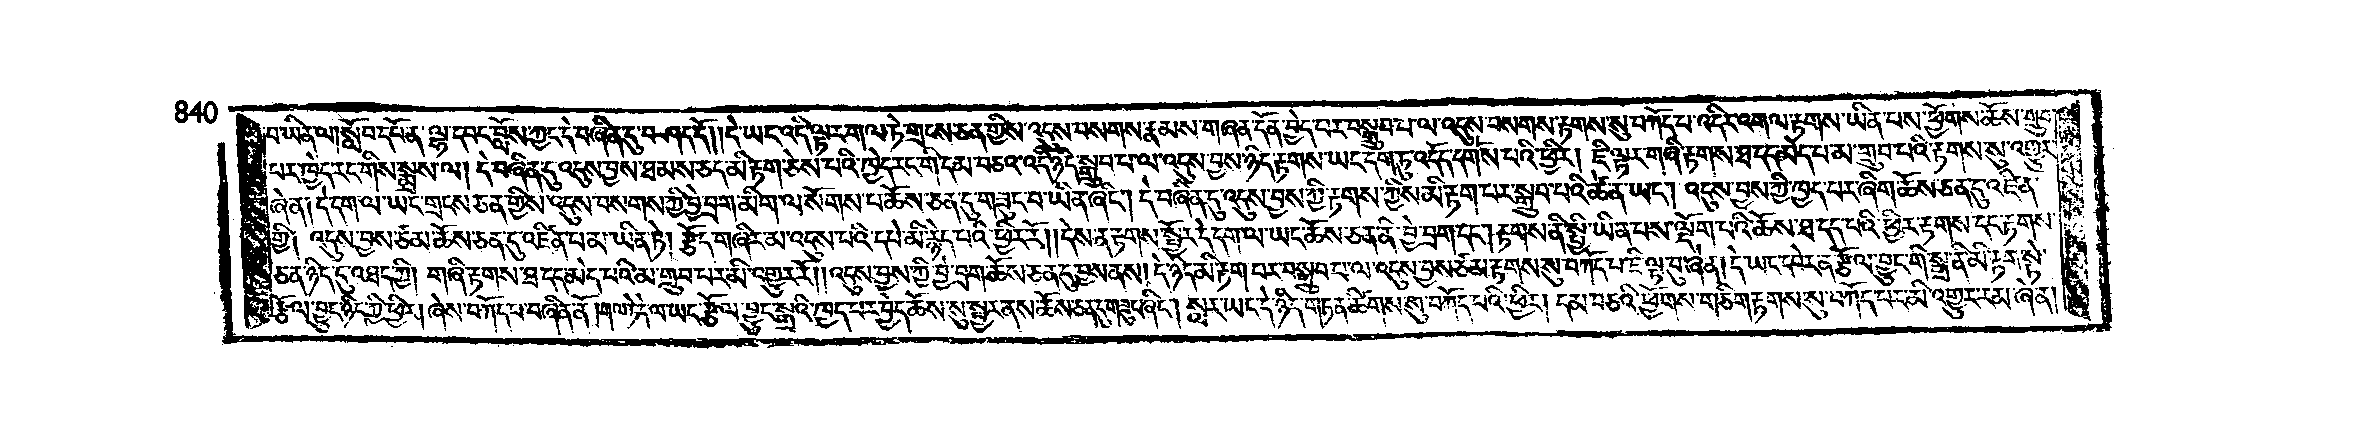བ་ཡིན་ལ། སློབ་དཔོན་ལྷ་དབང་བློས་ཀྱང་དེ་བཞིན་དུ་བཤད་དོ། །དེ་ཡང་འདི་ལྟར་གལ་ཏེ་གྲངས་ཅན་གྱིས་འདུས་བསགས་རྣམས་གཞན་དོན་བྱེད་པར་བསྒྲུབ་པ་ལ་འདུས་བསགས་རྟགས་སུ་བཀོད་པ་འདིར་འགལ་རྟགས་ཡིན་པས་ཕྱོགས་ཆོས་གྲུབ་
པར་ཁྱེད་རང་གིས་སྨྲས་ལ། དེ་བཞིན་དུ་འདུས་བྱས་ཐམས་ཅད་མི་རྟག་ཅེས་པའི་ཁྱེད་རང་གི་དམ་བཅའ་འདི་ཉིད་སྒྲུབ་པ་ལ་འདུས་བྱས་ཉིད་རྟགས་ཡང་དག་ཏུ་འདོད་དགོས་པའི་ཕྱིར། ཇི་ལྟར་གཞི་རྟགས་ཐ་དད་མེད་པ་མ་གྲུབ་པའི་རྟགས་སུ་འགྱུར་
ཞེ་ན། དེ་དག་ལ་ཡང་གྲངས་ཅན་གྱིས་འདུས་བསགས་ཀྱི་བྱེ་བྲག་མིག་ལ་སོགས་པ་ཆོས་ཅན་དུ་གཟུང་བ་ཡིན་ཞིང་། དེ་བཞིན་དུ་འདུས་བྱས་ཀྱི་རྟགས་ཀྱིས་མི་རྟག་པར་སྒྲུབ་པའི་ཚེ་ན་ཡང་། འདུས་བྱས་ཀྱི་ཁྱད་པར་ཞིག་ཆོས་ཅན་དུ་འཛིན་
གྱི། འདུས་བྱས་ཙམ་ཆོས་ཅན་དུ་འཛིན་པ་མ་ཡིན་ཏེ། རྩོད་གཞིར་མ་འདུས་པའི་དཔེ་མི་རྙེད་པའི་ཕྱིར་རོ། །དེས་ན་རྟགས་སྦྱོར་དེ་དག་ལ་ཡང་ཆོས་ཅན་ནི་བྱེ་བྲག་དང་། རྟགས་ནི་སྤྱི་ཡིན་པས་ལྡོག་པའི་ཆོས་ཐ་དད་པའི་ཕྱིར་རྟགས་དང་རྟགས་
ཅན་ཉིད་དུ་འཐད་ཀྱི། གཞི་རྟགས་ཐ་དད་མེད་པའི་མ་གྲུབ་པར་མི་འགྱུར་རོ། །འདུས་བྱས་ཀྱི་བྱེ་བྲག་ཆོས་ཅན་དུ་བྱས་ནས། དེ་ཉིད་མི་རྟག་པར་བསྒྲུབ་པ་ལ་འདུས་བྱས་རྩམ་རྟགས་སུ་བཀོད་པ་ཇི་ལྟ་བུ་ཞེ་ན། དེ་ཡང་དཔེར་ན་རྩོལ་བྱུང་གི་སྒྲ་ནི་མི་རྟག་སྟེ་
རྩོལ་བྱུང་ཉིད་ཀྱི་ཕྱིར། ཞེས་བཀོད་པ་བཞིན་ནོ། །གལ་ཏེ་དེ་ལ་ཡང་རྩོལ་བྱུང་སྒྲའི་ཁྱད་པར་བྱེད་ཆོས་སུ་སྦྱར་ནས་ཆོས་ཅན་དུ་གཟུང་ཞིང་། སླར་ཡང་དེ་ཉིད་གཏན་ཚིགས་སུ་བཀོད་པའི་ཕྱིར། དམ་བཅའི་ཕྱོགས་གཅིག་རྟགས་སུ་བཀོད་པར་མི་འགྱུར་རམ་ཞེ་ན།